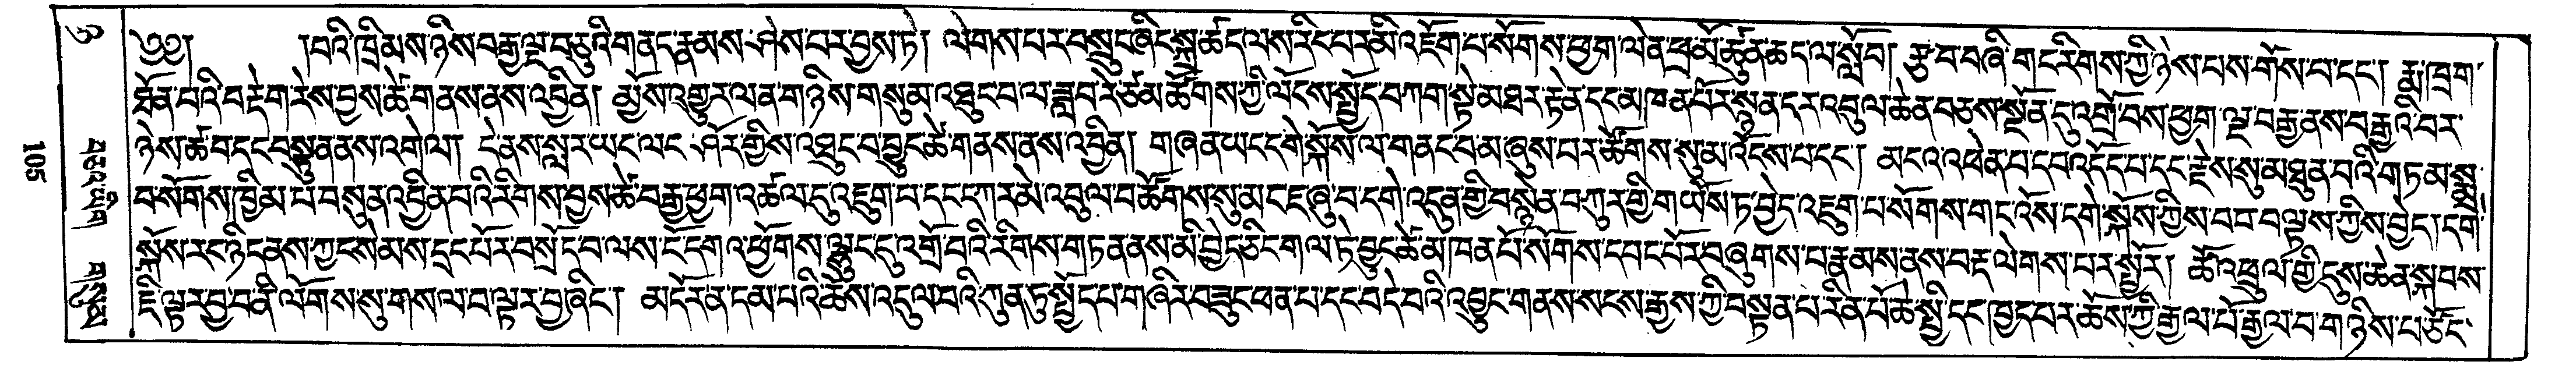༄༅། །བའི་ཁྲིམས་ཉིས་བརྒྱ་ལྔ་བཅུའི་གནད་རྣམས་ཤེས་པར་བྱས་ཏེ། ལེགས་པར་བསྲུང་ཞིང་སྐྲ་ཚད་ལས་རིང་བར་མི་འཇོག་པ་སོགས་ཕྱག་ལེན་ཕྲ་མོ་ཚུན་ཆད་ལ་སློབ། རྩ་བ་བཞི་གང་རིགས་ཀྱི་ཉེས་པས་གོས་པ་དང་། རྨ་ཁྲག་
ཐོན་པའི་བརྡེག་རེས་བྱས་ཚེ་གནས་ནས་འབྱིན། མྱོས་འགྱུར་ལན་གཉིས་གསུམ་འཐུང་བ་ལ་ཟླ་བར་ཙམ་ཚོགས་ཀྱི་ལོངས་སྤྱོད་བཀག་སྟེ་མཐར་རྟེན་དང་མཁན་པོར་སྙན་དར་འབུལ་ཚན་བཅས་སྔོན་དུ་འགྲོ་བས་ཕྱག་ལྔ་བརྒྱ་ནས་བརྒྱའི་བར་
ཉེས་ཚབ་དང་བསྟུན་ནས་འགེལ། དེ་ནས་སླར་ཡང་ལང་ཤོར་གྱིས་འཐུང་བ་བྱུང་ཚེ་གནས་ནས་འབྱིན། གཞན་ཡང་དགེ་སྐོས་ལ་གནང་བ་མ་ཞུས་པར་ཚོགས་སུ་མ་འོངས་པ་དང་། མདའ་འཕེན་པ་དང་འདོད་པ་དང་རྗེས་སུ་མཐུན་པའི་གཏམ་སྨྲ་
བ་སོགས་ཁྱིམ་པ་བསུན་འབྱིན་པའི་རིགས་བྱས་ཚེ་བརྒྱ་ཕྱག་འཚལ་དུ་འཇུག་པ་དང་དཀར་མེ་འབུལ་བ་ཚོགས་སུ་མང་ཇ་ཞུ་བ་དགེ་འདུན་གྱི་བསྙེན་བཀུར་གྱི་གཡོས་ཏ་བྱེད་འཇུག་པ་སོགས་གང་འོས་དགེ་སྐོས་ཀྱིས་བབ་བལྟས་ཀྱིས་བྱེད། དགེ་
སྐོས་རང་ཉིད་ནས་ཀྱང་སེམས་དྲང་པོར་བསྲོང་བ་ལས་ངོ་དགའ་ཕྱོགས་ལྷུང་དུ་འགྲོ་བའི་རིགས་གཏན་ནས་མི་བྱེད་ཅིང་གལ་ཏེ་བྱུང་ཚེ་མཁན་པོ་སོགས་དཔང་པོར་བཞུགས་པ་རྣམས་ནས་བརྡ་ལེགས་པར་སྦྱོར། ཆོ་འཕྲུལ་གྱི་དུས་ཆེན་སྐབས་
ཇི་ལྟར་བྱ་བ་ནི་ལོགས་སུ་གསལ་བ་ལྟར་བྱ་ཞིང་། མདོར་ན་དམ་པའི་ཆོས་འདུལ་བའི་ཀུན་ཏུ་སྤྱོད་པ་གཞིར་བཟུང་ཕན་པ་དང་བདེ་བའི་འབྱུང་གནས་སངས་རྒྱས་ཀྱི་བསྟན་པ་རིན་པོ་ཆེ་སྤྱི་དང་ཁྱད་པར་ཆོས་ཀྱི་རྒྱལ་པོ་རྒྱལ་བ་གཉིས་པ་ཙོང་